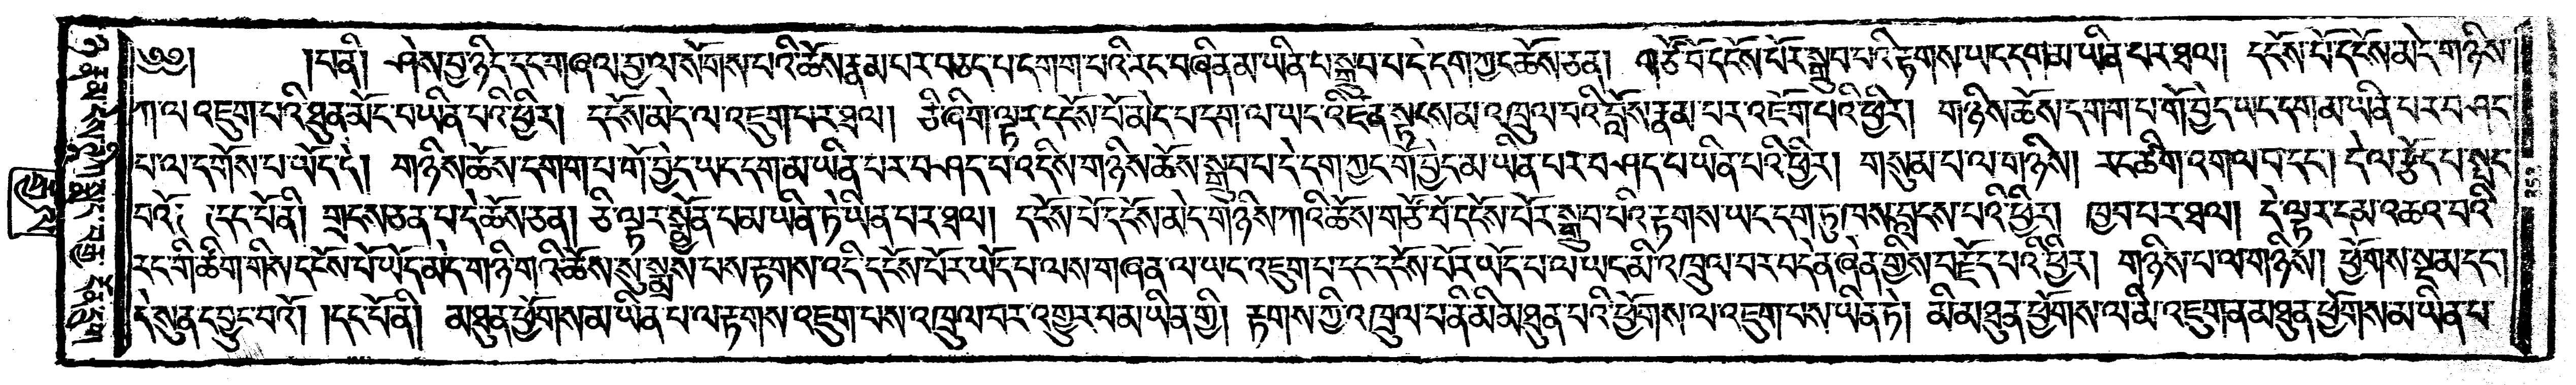༄༅། །པ་ནི། ཤེས་བྱ་ཉིད་དང་གཞལ་བྱ་ལ་སོགས་པའི་ཆོས་རྣམ་པར་བཅད་པ་དགག་པའི་རང་བཞིན་མ་ཡིན་པ་སྒྲུབ་པ་དེ་དག་ཀྱང་ཆོས་ཅན། གཙོ་བོ་དངོས་པོར་སྒྲུབ་པའི་རྟགས་ཡང་དག་མ་ཡིན་པར་ཐལ། དངོས་པོ་དངོས་མེད་གཉིས་
ཀ་ལ་འཇུག་པའི་ཐུན་མོང་བ་ཡིན་པའི་ཕྱིར། དངོས་མེད་ལ་འཇུག་པར་ཐལ། ཅི་ཞིག་ལྟར་དངོས་པོ་མེད་པ་དག་ལ་ཡང་འཛིན་སྟངས་མ་འཁྲུལ་བའི་བློས་རྣམ་པར་འཇོག་པའི་ཕྱིར། གཉིས་ཆོས་དགག་པ་གོ་བྱེད་ཡང་དག་མ་ཡིན་པར་བཤད་
པ་ལ་དགོས་པ་ཡོད་དེ། གཉིས་ཆོས་དགག་པ་གོ་བྱེད་ཡང་དག་མ་ཡིན་པར་བཤད་པ་འདིས་གཉིས་ཆོས་སྒྲུབ་པ་དེ་དག་ཀྱང་གོ་བྱེད་མ་ཡིན་པར་བཤད་པ་ཡིན་པའི་ཕྱིར། གསུམ་པ་ལ་གཉིས། རང་ཚིག་འགལ་བ་དང་། དེ་ལ་རྩོད་པ་སྤང་
བའོ༑ །དང་པོ་ནི། གྲངས་ཅན་པ་དེ་ཆོས་ཅན། ཅི་ལྟར་སྨྱོན་པ་མ་ཡིན་ཏེ་ཡིན་པར་ཐལ། དངོས་པོ་དངོས་མེད་གཉིས་ཀའི་ཆོས་གཙོ་བོ་དངོས་པོར་སྒྲུབ་པའི་རྟགས་ཡང་དག་ཏུ་ཁས་བླངས་པའི་ཕྱིར། ཁྱབ་པར་ཐལ། དེ་ལྟར་དམ་འཆའ་བའི་
རང་གི་ཚིག་གིས་དངོས་པོ་ཡོད་མེད་གཉི་གའི་ཆོས་སུ་སྨྲས་པས་རྟགས་འདི་དངོས་པོར་ཡོད་པ་ལས་གཞན་ལ་ཡང་འཇུག་པ་དང་དངོས་པོར་ཡོད་པ་ལ་ཡང་མི་འཁྲུལ་བར་བདེན་ཞེན་གྱིས་བརྗོད་པའི་ཕྱིར། གཉིས་པ་ལ་གཉིས། ཕྱོགས་སྔ་མ་དང་།
དེ་སུན་དབྱུང་བའོ། །དང་པོ་ནི། མཐུན་ཕྱོགས་མ་ཡིན་པ་ལ་རྟགས་འཇུག་པས་འཁྲུལ་བར་འགྱུར་བ་མ་ཡིན་གྱི། རྟགས་ཀྱི་འཁྲུལ་པ་ནི་མི་མཐུན་པའི་ཕྱོགས་ལ་འཇུག་པས་ཡིན་ཏེ། མི་མཐུན་ཕྱོགས་ལ་མི་འཇུག་ན་མཐུན་ཕྱོགས་མ་ཡིན་པ་